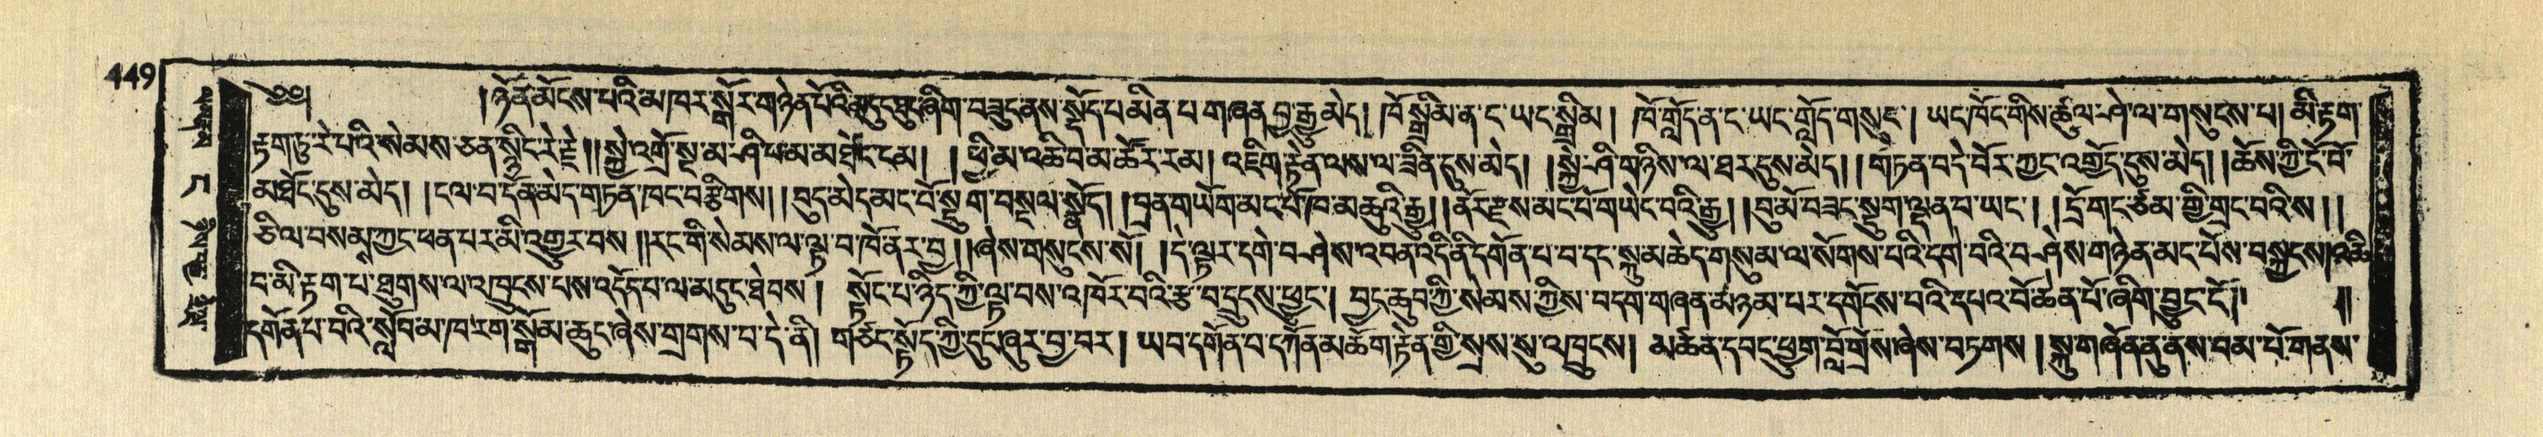༄༅། །ཉོན་མོངས་པའི་མཁར་སྒོར་གཉེན་པོའི་མདུང་ཐུང་ཞིག་བཟུང་ནས་སྡོད་པ་མིན་པ་གཞན་བྱ་རྒྱུ་མེད། ཁོ་སྒྲིམ་ན་ང་ཡང་སྒྲིམ། ཁོ་གློད་ན་ང་ཡང་གློད་གསུང་། ཡང་ཁོང་གིས་ཚུལ་ཤེ་ལ་གསུངས་པ། མི་རྟག་
རྟག་ཏུ་རེ་པའི་སེམས་ཅན་སྙིང་རེ་རྗེ། །སྐྱེ་འགྲོ་སྔ་མ་ཤི་པ་མ་མཐོང་ངམ། །ཕྱི་མ་འཆི་བ་མ་ཚོར་རམ། འཇིག་རྟེན་ལས་ལ་ཟིན་དུས་མེད། །སྐྱེ་ཤི་གཉིས་ལ་ཐར་དུས་མེད། །གཏན་བདེ་བོར་ཀྱང་འགྱོད་དུས་མེད། །ཆོས་ཀྱི་ངོ་བོ་
མཐོང་དུས་མེད། །ངལ་བ་དོན་མེད་གཏན་ཁང་བརྩིགས། །བུད་མེད་མང་པོ་སྡུག་བསྔལ་སྣོད། །བྲན་གཡོག་མང་པོ་ཁ་མཆུའི་རྒྱུ། །ནོར་རྫས་མང་པོ་གཡེང་བའི་རྒྱུ། །བུ་མོ་བཟང་སྡུག་ལྡན་པ་ཡང་། །དྲོ་གང་ཙམ་གྱི་གྲང་བའི་ས། །
ཅི་ལ་བསམས་ཀྱང་ཕན་པར་མི་འགྱུར་བས། །རང་གི་སེམས་ལ་ལྟ་བ་ཁོ་ནར་བྱ། །ཞེས་གསུངས་སོ། །དེ་ལྟར་དགེ་བཤེས་འབན་འདི་ནི་དགོན་པ་བ་དང་སྐུ་མཆེད་གསུམ་ལ་སོགས་པའི་དགེ་བའི་བཤེས་གཉེན་མང་པོས་བསྐྱངས། འཆི་
བ་མི་རྟག་པ་ཐུགས་ལ་འཁྲུངས་པས་འདོད་པ་ལ་མདུང་ཐེབས། སྟོང་པ་ཉིད་ཀྱི་ལྟ་བས་འཁོར་བའི་རྩ་བ་དྲུངས་ཕྱུང་། བྱང་ཆུབ་ཀྱི་སེམས་ཀྱིས་བདག་གཞན་མཉམ་པར་དགོངས་པའི་དཔའ་བོ་ཆེན་པོ་ཞིག་བྱུང་ངོ།། །།
དགོན་པ་བའི་སློབ་མ་ཁ་རག་སྒོམ་ཆུང་ཞེས་གྲགས་པ་དེ་ནི། གཙང་སྟོད་ཀྱི་དུང་ཞུར་བྱ་བར། ཡབ་དགོན་པ་དཀོན་མཆོག་རྟེན་གྱི་སྲས་སུ་འཁྲུངས། མཚན་དབང་ཕྱུག་བློ་གྲོས་ཞེས་བཏགས་།སྐུ་གཞོན་ནུ་ནས་བམ་པོ་གནས་